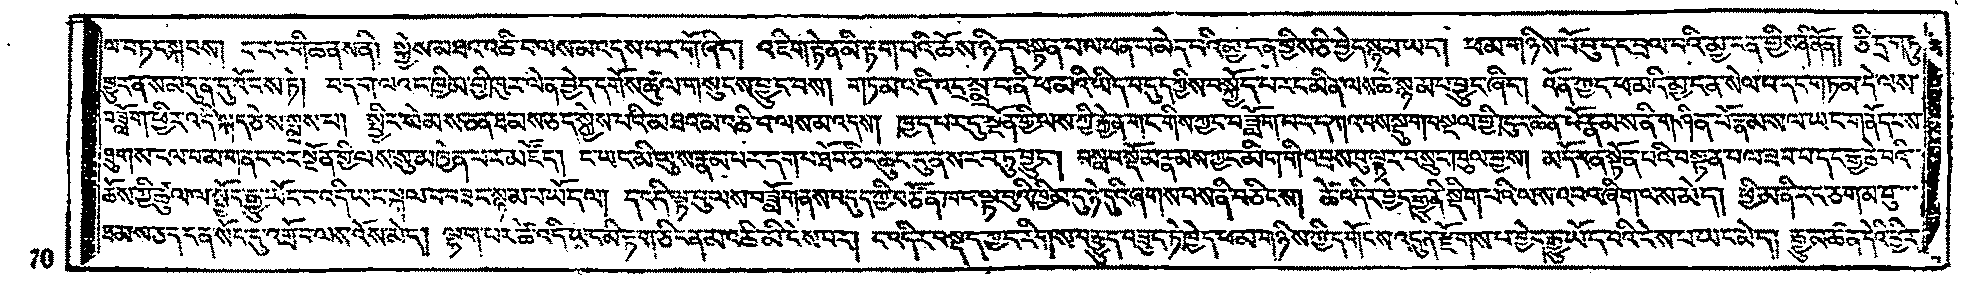ལ་བཏང་སྐབས། ང་རང་གི་ཆ་ནས་ནི། སྐྱེས་མཐའ་འཆི་བ་ལས་མ་འདས་པར་གོ་ཞིང་། འཇིག་རྟེན་མི་རྟག་པའི་ཆོས་ཉིད་བསྟན་པ་ལ་ཕན་པ་མེད་པའི་མྱ་ངན་གྱིས་ཅི་བྱེད་སྙམ་ཡང་། ཕ་མ་གཉིས་པོ་བུ་དང་བྲལ་བའི་མྱ་ངན་གྱིས་ནི་ནོན། ཅི་དྲག་ཏུ་
གྱུར་ན་ས་བདུན་དུ་འོངས་ཏེ། བདག་ལའང་ཁྱིམ་གྱི་ཁུར་ལེན་བྱེད་དགོས་ཚུལ་གསུངས་བྱུང་བས། གཏམ་འདི་འདྲ་སྨྲ་བ་ནི་ཕ་མའི་ཡིད་བདུད་ཀྱིས་བསྐྱོད་པ་རང་མིན་ལས་ཆེ་སྙམ་པ་བྱུང་ཞིང་། འོན་ཀྱང་ཕ་མའི་མྱ་ངན་སེལ་བ་དང་གཏམ་དེ་ལས་
བཟློག་ཕྱིར་འདི་སྐད་ཅེས་སྨྲས་པ། སྤྱིར་སེམས་ཅན་ཐམས་ཅད་སྐྱེས་པའི་མཐའ་མ་འཆི་བ་ལས་མ་འདས། ཁྱད་པར་དུ་སྔོན་གྱི་ལས་ཀྱི་རྐྱེན་གང་གིས་ཀྱང་བཟློག་པར་དཀའ་བས་སྡུག་བསྔལ་གྱི་ཁུར་ཆེན་པོ་རྣམས་ནི་གཤིན་པོ་རྣམས་ལ་ཡང་གནོད་པས་
ཐུགས་ངལ་བ་མ་གནང་བར་སྔོན་གྱི་ལས་སུ་མཁྱེན་པར་མཛོད། ང་ཡང་མི་ལུས་རྣམ་པར་དག་པ་ཐོབ་ཅིང་ཆུང་ངུ་ནས་རབ་ཏུ་བྱུང་། བསླབ་སྡོམ་རྣམས་ཀྱང་མིག་གི་འབྲས་བུ་ལྟར་བསྲུང་ཁུལ་བྱས། མདོར་ན་སྟོན་པའི་བསྟན་པ་ལ་ཟབ་པ་དང་རྒྱ་ཆེ་བའི་
ཆོས་ཀྱི་ཚུལ་ལ་སྤྱོད་རྒྱུ་ཡོང་བ་འདི་ཡང་སྐལ་བ་བཟང་སྙམ་པ་ཡོད་ལ། ད་འདི་ལྟ་བུ་ལས་བཟློག་ནས་བདུད་ཀྱི་བཙོན་ཁང་ལྟ་བུའི་ཁྱིམ་དུ་ཉེ་དུའི་ཞགས་པས་ནི་བཅིངས། ཚེ་འདིར་བྱེད་རྒྱུ་ནི་སྡིག་པའི་ལས་འབའ་ཞིག་ལས་མེད། ཕྱི་མ་ནི་རང་ཅག་མ་བུ་
ཐམས་ཅད་ངན་སོང་དུ་འགྲོ་བ་ལས་འོས་མེད། ལྷག་པར་ཚེ་འདི་ཡང་མི་རྟག་ཅིང་ནམ་འཆི་མི་ངེས་པར། ང་འདིར་བསྡད་ཀྱང་རིགས་བརྒྱུད་བཟུང་ཏེ་ཁྱེད་ཕ་མ་གཉིས་ཀྱི་དགོངས་འདུན་རྫོགས་པ་བྱེད་རྒྱུ་ཡོད་པའི་ངེས་པ་ཡང་མེད། རྒྱུ་མཚན་དེའི་ཕྱིར་